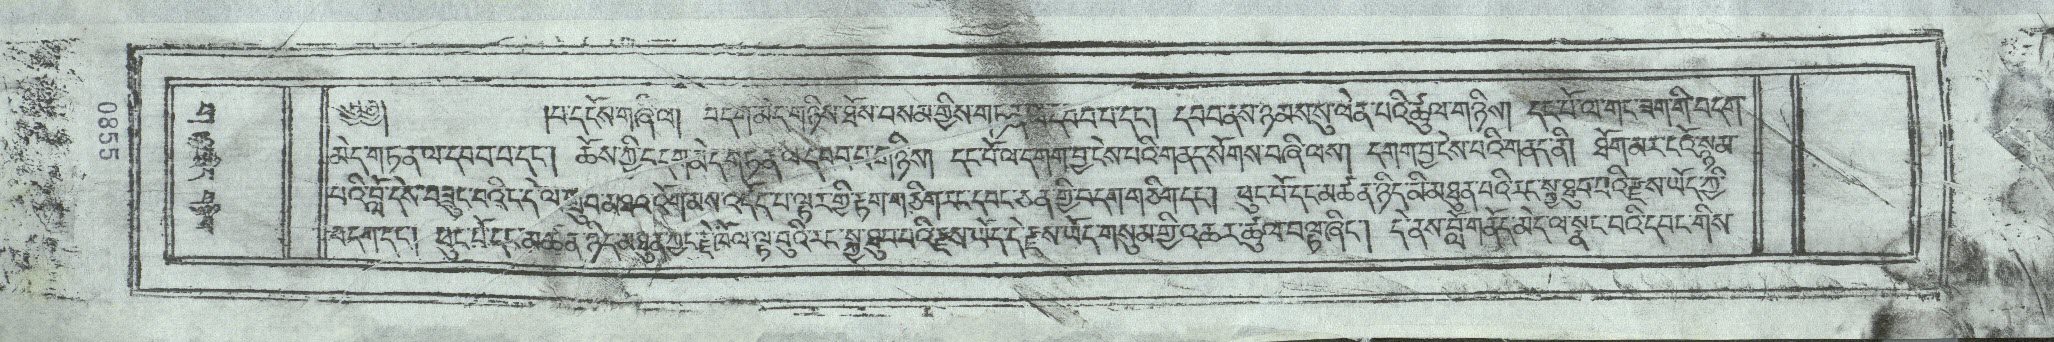༄༅། །པ་དངོས་གཞི་ལ། བདག་མེད་གཉིས་ཐོས་བསམ་གྱིས་གཏན་ལ་དབབ་པ་དང་། དབབ་ནས་ཉམས་སུ་ལེན་པའི་ཚུལ་གཉིས། དང་པོ་ལ་གང་ཟག་གི་བདག་
མེད་གཏན་ལ་དབབ་པ་དང་། ཆོས་ཀྱི་བདག་མེད་གཏན་ལ་དབབ་པ་གཉིས། དང་པོ་ལ་དགག་བྱ་ངེས་པའི་གནད་སོགས་བཞི་ལས། དགག་བྱ་ངེས་པའི་གནད་ནི། ཐོག་མར་ངའོ་སྙམ་
པའི་བློ་དེས་བཟུང་བའི་ང་དེ་ལ་གྲུབ་མཐའ་འོག་མས་འདོད་པ་ལྟར་གྱི་རྟག་གཅིག་རང་དབང་ཅན་གྱི་བདག་གཅིག་དང་། ཕུང་པོ་དང་མཚན་ཉིད་མི་མཐུན་པའི་རང་སྐྱ་ཐུབ་པའི་རྫས་ཡོད་ཀྱི་
བདག་དང་། ཕུང་པོ་དང་མཚན་ཉིད་མཐུན་ཀྱང་རྗེ་ཁོལ་ལྟ་བུའི་རང་སྐྱ་ཐུབ་པའི་རྫས་ཡོད་དེ་རྫས་ཡོད་གསུམ་གྱི་འཆར་ཚུལ་བལྟ་ཞིང་། དེ་ནས་བློ་གནོད་མེད་ལ་སྣང་བའི་དབང་གིས་